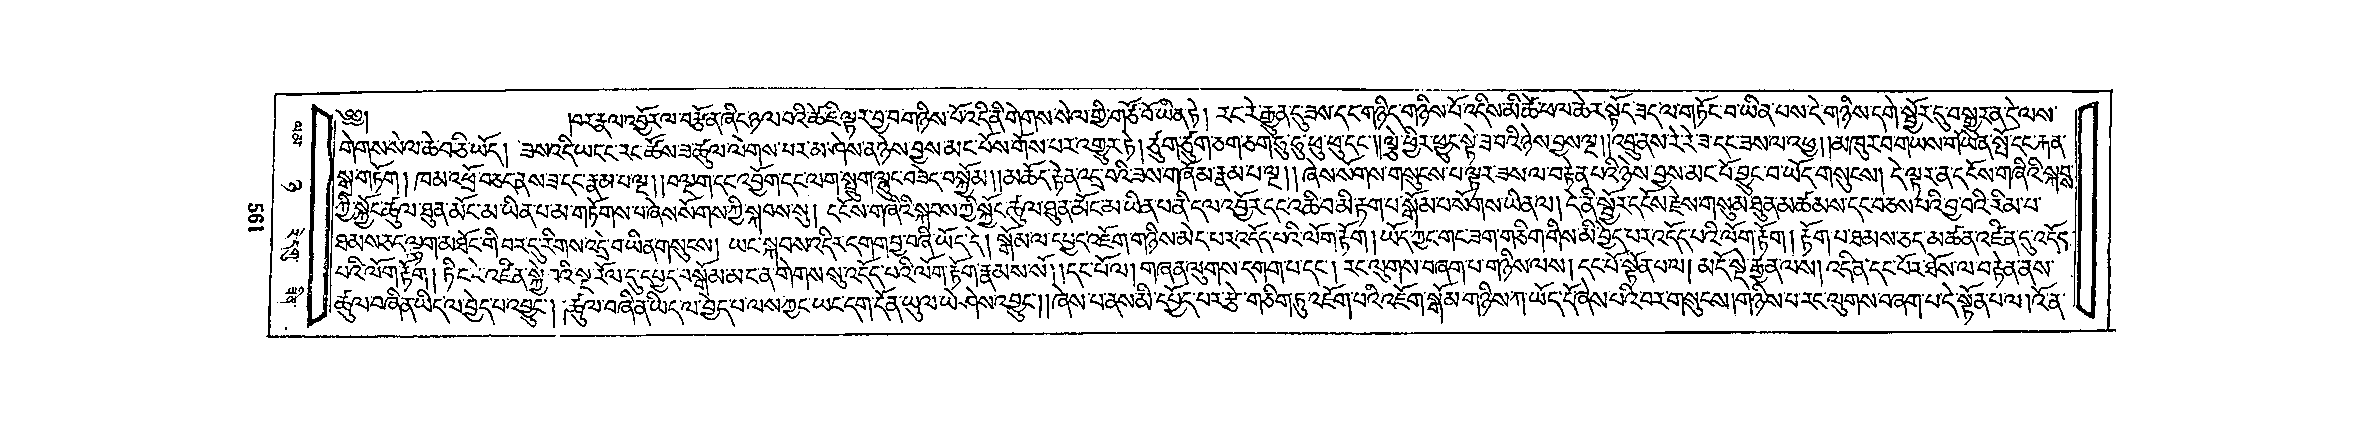༄༅། །བར་རྣལ་འབྱོར་ལ་བརྩོན་ཞིང་ཉལ་བའི་ཚེ་ཇི་ལྟར་བྱ་བ་གཉིས་པོ་འདི་ནི་གེགས་སེལ་གྱི་གཙོ་བོ་ཡིན་ཏེ། རང་རེ་རྒྱུན་དུ་ཟས་དང་གཉིད་གཉིས་པོ་འདིས་མི་ཚེ་ཕལ་ཆེར་སྟོད་ཟད་ལ་གཏོང་བ་ཡིན་པས་དེ་གཉིས་དགེ་སྦྱོར་དུ་བསྒྱུར་ན་དེ་ལས་
གེགས་སེལ་ཆེ་བ་ཅི་ཡོད། ཟས་འདི་ཡང་ང་རང་ཚོས་ཟ་ཚུལ་ལེགས་པར་མ་ཤེས་ན་ཉེས་བྱས་མང་པོས་གོས་པར་འགྱུར་ཏེ། ཙུག་ཙུག་ཅག་ཅག་ཧུ་ཧུ་ཕུ་ཕུ་དང་། །ལྕེ་ཕྱིར་ཕྱུང་སྟེ་ཟ་བའི་ཉེས་བྱས་ལྔ། །འབྲུ་ནས་རེ་རེ་ཟ་དང་ཟས་ལ་འཕྱ། །མཁུར་བ་གཡས་གཡོན་སྤོ་དང་རྐན་
སྒྲ་གཏོག །ཁམ་འཕྲོ་བཅད་ནས་ཟ་དང་རྣམ་པ་ལྔ། །བལྡག་དང་འབྱོག་དང་ལག་སྤྲུག་ལྷུང་བཟེད་བསྐྱོམ། །མཆོད་རྟེན་འདྲ་བའི་ཟས་གཞོམ་རྣམ་པ་ལྔ། །ཞེས་སོགས་གསུངས་པ་ལྟར་ཟས་ལ་བརྟེན་པའི་ཉེས་བྱས་མང་པོ་བྱུང་བ་ཡོད་གསུངས། དེ་ལྟར་ན་དངོས་གཞིའི་སྐབས་
ཀྱི་སྐྱོང་ཚུལ་ཐུན་མོང་མ་ཡིན་པ་མ་གཏོགས་པ་ཞེས་སོགས་ཀྱི་སྐབས་སུ། དངོས་གཞིའི་སྐབས་ཀྱི་སྐྱོང་ཚུལ་ཐུན་མོང་མ་ཡིན་པ་ནི་དལ་འབྱོར་དང་འཆི་བ་མི་རྟག་པ་སྒོམ་པ་སོགས་ཡིན་ལ། དེ་ནི་སྦྱོར་དངོས་རྗེས་གསུམ་ཐུན་མཚམས་དང་བཅས་པའི་བྱ་བའི་རིམ་པ་
ཐམས་ཅད་ལྷག་མཐོང་གི་བར་དུ་རིགས་འདྲེ་བ་ཡིན་གསུངས། ཡང་སྐབས་འདིར་དགག་བྱ་བཞི་ཡོད་དེ། སྒོམ་ལ་དཔྱད་འཇོག་གཉིས་མེད་པར་འདོད་པའི་ལོག་རྟོག །ཡོད་ཀྱང་གང་ཟག་གཅིག་གིས་མི་བྱེད་པར་འདོད་པའི་ལོག་རྟོག། རྟོག་པ་ཐམས་ཅད་མཚན་འཛིན་དུ་འདོད་
པའི་ལོག་རྟོག། ཏིང་ངེ་འཛིན་སྐྱེ་བའི་སྔ་རོལ་དུ་དཔྱད་བསྒོམ་མང་ན་གེགས་སུ་འདོད་པའི་ལོག་རྟོག་རྣམས་སོ། །དང་པོ་ལ། གཞན་ལུགས་དགག་པ་དང་། རང་ལུགས་བཞག་པ་གཉིས་ལས། དང་པོ་སྟོན་པ་ལ། མདོ་སྡེ་རྒྱན་ལས། འདི་ན་དང་པོར་ཐོས་ལ་བརྟེན་ནས་
ཚུལ་བཞིན་ཡིད་ལ་བྱེད་པ་འབྱུང་། །ཚུལ་བཞིན་ཡིད་ལ་བྱེད་པ་ལས་ཀྱང་ཡང་དག་དོན་ཡུལ་ཡེ་ཤེས་འབྱུང་། །ཞེས་པ་ནས་མི་དཔྱོད་པར་རྩེ་གཅིག་ཏུ་འཇོག་པའི་འཇོག་སྒོམ་གཉིས་ཀ་ཡོད་དོ་ཞེས་པའི་བར་གསུངས། གཉིས་པ་རང་ལུགས་བཞག་པ་དེ་སྟོན་པ་ལ། འོ་ན་